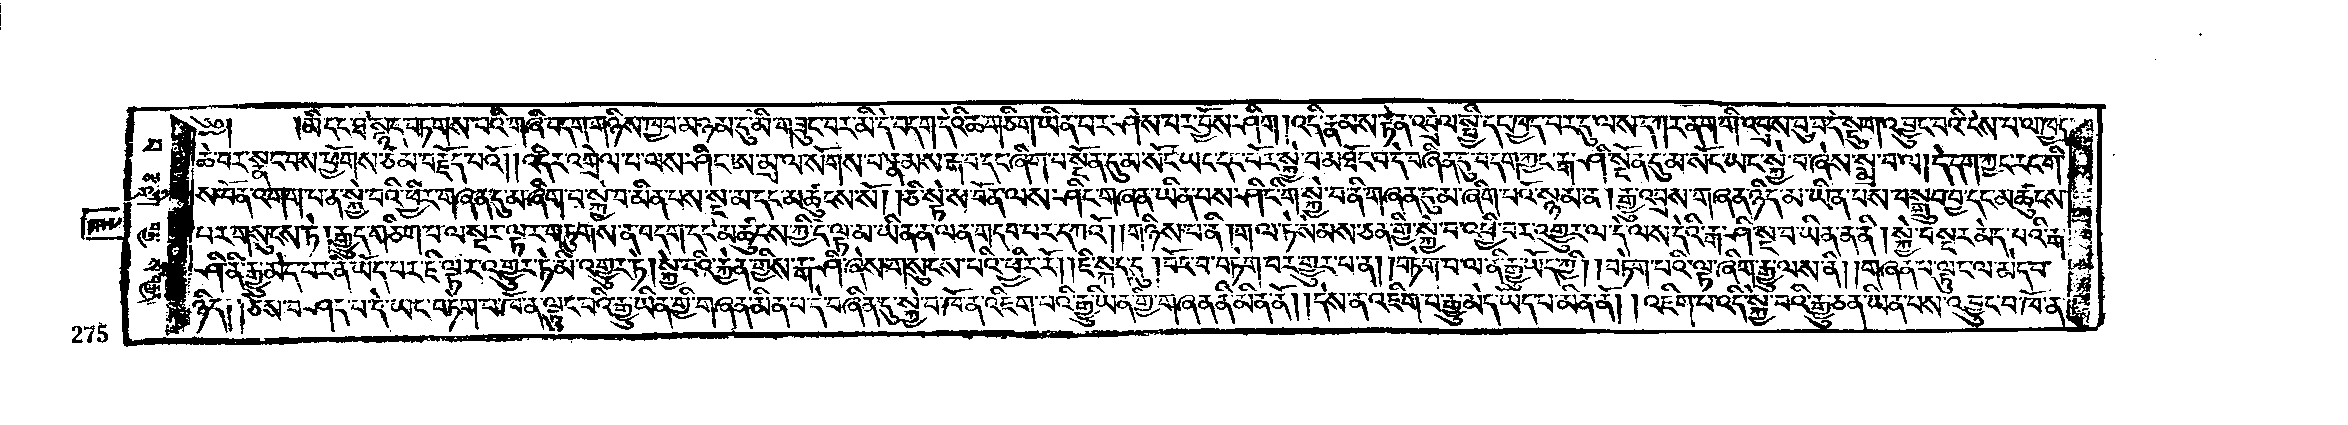༄༅། །མི་དང་ཐ་སྙད་བཏགས་པའི་གཞི་བདག་གཉིས་ཁྱབ་མཉམ་དུ་མི་གཟུང་བར་མི་དེ་བདག་དེའི་ཆ་གཅིག་ཡིན་པར་ཤེས་པར་བྱོས་ཤིག །འདི་རྣམས་རྟེན་འབྲེལ་སྤྱི་དང་ཁྱད་པར་དུ་ལས་དཀར་ནག་གི་འབྲས་བུ་བདེ་སྡུག་འབྱུང་བའི་ངེས་པ་ལ་ཁྱད་
ཆེ་བར་སྣང་བས་ཕྱོགས་ཙམ་བརྗོད་པའོ། །འདིར་འགྲེལ་པ་ལས་ཤིང་ཨ་མྲ་ལ་སོགས་པ་རྣམས་རྒ་བ་དང་ཞིག་པ་སྔོན་དུ་མ་སོང་ཡང་དང་པོར་སྐྱེ་བ་མཐོང་བ་དེ་བཞིན་དུ་བདག་ཀྱང་རྒ་ཤི་སྔོན་དུ་མ་སོང་ཡང་སྐྱེ་བ་ཞེས་སྨྲ་བ་ལ། དེ་དག་ཀྱང་རང་གི་
ས་བོན་འགག་པ་ན་སྐྱེ་བའི་ཕྱིར་གཞན་དུ་མ་ཞིག་པ་སྐྱེ་བ་མིན་པས་སྔ་མ་དང་མཚུངས་སོ། །ཅི་སྟེ་ས་བོན་ལས་ཤིང་གཞན་ཡིན་པས་ཤིང་གི་སྐྱེ་བ་ནི་གཞན་དུ་མ་ཞིག་པའོ་སྙམ་ན། རྒྱུ་འབྲས་གཞན་ཉིད་མ་ཡིན་པས་བསྒྲུབ་བྱ་དང་མཚུངས་
པར་གསུངས་ཏེ། རྒྱུད་གཅིག་པ་ལ་སྔར་ལྟར་གཏུགས་ན་བདག་དང་མཚུངས་ཀྱི་དེ་ལྟ་མ་ཡིན་ན་ལན་གདབ་པར་དཀའོ། །གཉིས་པ་ནི། གལ་ཏེ་སེམས་ཅན་གྱི་སྐྱེ་བ་འཕྱི་བར་འགྱུར་ལ་དེ་ལས་དེའི་རྒ་ཤི་སྔ་བ་ཡིན་ན་ནི། །སྐྱེ་བ་སྔར་མེད་པའི་རྒ་
ཤི་ནི་རྒྱུ་མེད་པར་ནི་ཡོད་པར་ཇི་ལྟར་འགྱུར་ཏེ་མི་འགྱུར་ཏེ། སྐྱེ་བའི་རྐྱེན་གྱིས་རྒ་ཤི་ཞེས་གསུངས་པའི་ཕྱིར་རོ། །ཇི་སྐད་དུ། བོང་བ་བཏེག་པར་གྱུར་པ་ན། །བཏེག་པ་ལ་ནི་རྒྱུ་ཡོད་ཀྱི། །བཏེག་པའི་ལྟ་ཞིག་རྒྱུ་ལས་ནི། །གཞན་པ་ལྟུང་ལ་མེད་པ་
ཉིད། །ཅེས་བཤད་པ་དེ་ཡང་བཏེག་པ་ཁོ་ན་ལྟུང་བའི་རྒྱུ་ཡིན་གྱི་གཞན་མིན་པ་དེ་བཞིན་དུ་སྐྱེ་བ་ཁོ་ན་འཇིག་པའི་རྒྱུ་ཡིན་གྱི་གཞན་ནི་མིན་ནོ། །དེས་ན་འཇིག་པ་རྒྱུ་མེད་ཡོད་པ་མིན་ནོ། །འཇིག་པ་འདི་སྐྱེ་བའི་རྒྱུ་ཅན་ཡིན་པས་འབྱུང་བ་ཁོ་ན་